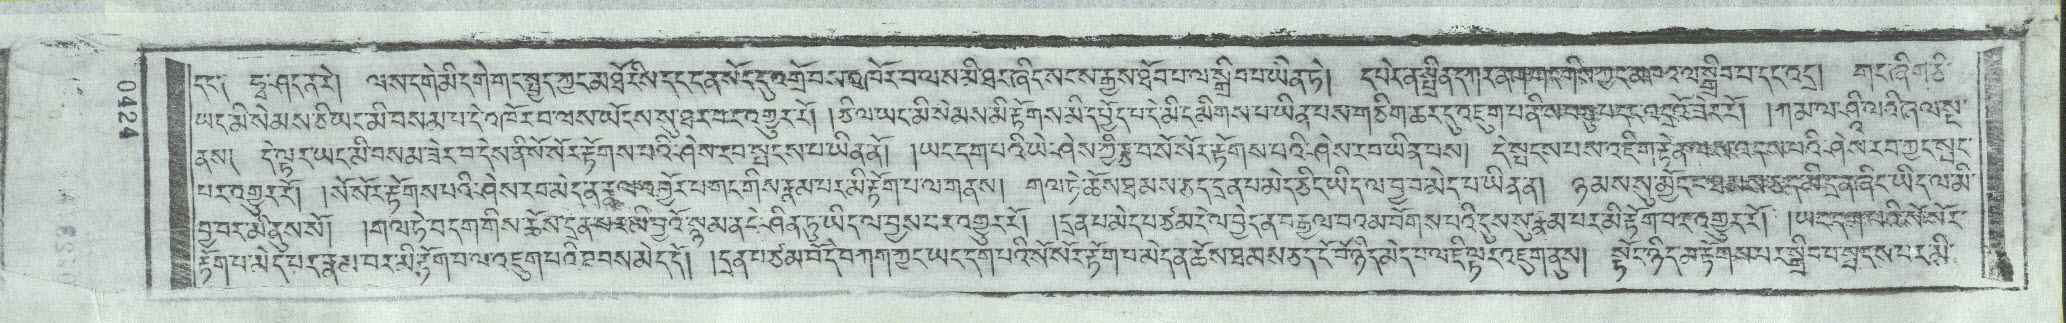དང༑ ཧྭ་ཤད་ན་རེ། ལས་དགེ་མི་དགེ་གང་སྤྱད་ཀྱང་མཐོ་རིས་དང་ངན་སོང་དུ་འགྲོ་བས་འཁོར་བ་ལས་མི་ཐར་ཞིང་སངས་རྒྱས་ཐོབ་པ་ལ་སྒྲིབ་པ་ཡིན་ཏེ། དཔེར་ན་སྤྲིན་དཀར་ནག་གང་གིས་ཀྱང་མཁའ་ལ་སྒྲིབ་པ་དང་འདྲ། གང་ཞིག་ཅི་
ཡང་མི་སེམས་ཅི་ཡང་མི་བསམ་པ་དེ་འཁོར་བ་ལས་ཡོངས་སུ་ཐར་པར་འགྱུར་རོ། །ཅི་ལ་ཡང་མི་སེམས་མི་རྟོགས་མི་དཔྱོད་པ་དེ་མི་དམིགས་པ་ཡིན་པས་གཅིག་ཆར་དུ་འཇུག་པ་ནིས་བཅུ་པ་དང་འདྲའོ་ཟེར་རོ། །ཀ་མ་ལ་ཤཱི་ལའི་ཞལ་སྔ་
ནས༑ དེ་ལྟར་ཡང་མི་བསམ་ཟེར་བ་དེས་ནི་སོ་སོར་རྟོགས་པའི་ཤེས་རབ་སྤངས་པ་ཡིན་ནོ། །ཡང་དག་པའི་ཡེ་ཤེས་ཀྱི་རྩ་བ་སོ་སོར་རྟོགས་པའི་ཤེས་རབ་ཡིན་པས། དེ་སྤངས་པས་འཇིག་རྟེན་ལས་འདས་པའི་ཤེས་རབ་ཀྱང་སྤང་
པར་འགྱུར་རོ། །སོ་སོར་རྟོགས་པའི་ཤེས་རབ་མེད་ན་རྣལ་འབྱོར་པ་གང་གིས་རྣམ་པར་མི་རྟོག་པ་ལ་གནས། གལ་ཏེ་ཆོས་ཐམས་ཅད་དྲན་པ་མེད་ཅིང་ཡིད་ལ་བྱ་བ་མེད་པ་ཡིན་ན། ཉམས་སུ་མྱོང་བ་ཐམས་ཅད་མི་དྲན་ཞིང་ཡིད་ལ་མི་
བྱ་བར་མི་ནུས་སོ། །གལ་ཏེ་བདག་གིས་ཆོས་དྲན་པར་མི་བྱའོ་སྙམ་ན་དེ་ཤིན་ཏུ་ཡིད་ལ་བྱས་པར་འགྱུར་རོ། །དྲན་པ་མེད་པ་ཙམ་དེ་ལ་བྱེད་ན་བརྒྱལ་བའམ་བོགས་པའི་དུས་སུ་རྣམ་པར་མི་རྟོག་པར་འགྱུར་རོ། །ཡང་དག་པའི་སོ་སོར་
རྟོག་པ་ཡེད་པར་རྣམ་པར་མི་རྟོག་པ་ལ་འཇུག་པའི་ཐབས་མེད་དོ། །དྲན་པ་ཙམ་བོ་དེ་བཀག་ཀྱང་ཡང་དག་པའི་སོ་སོར་རྟོག་པ་མེད་ན་ཆོས་ཐམས་ཅད་ངོ་བོ་ཉིད་མེད་པ་ལ་ཇི་ལྟར་འཇུག་ནུས། སྟོང་ཉིད་མ་རྟོགས་པར་སྒྲིབ་པ་སྲངས་པར་མི་